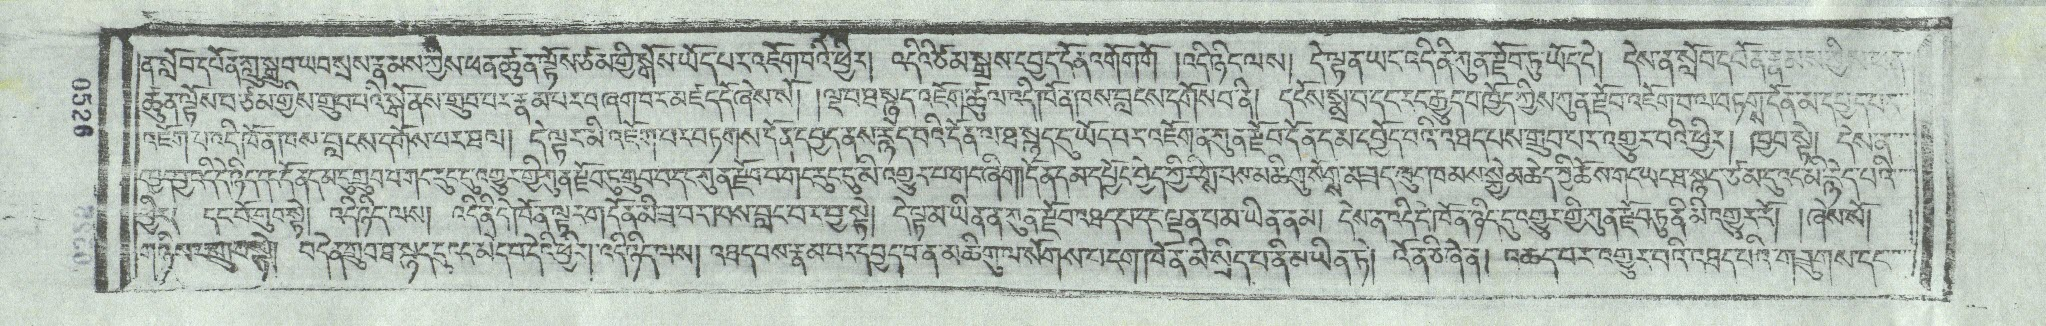ན་སློབ་དཔོན་ཀླུ་སྒྲུབ་ཡབ་སྲས་རྣམས་ཀྱིས་ཕན་ཚུན་ལྟོས་ཙམ་གྱི་སྒོས་ཡོད་པར་འཇོག་བའི་ཕྱིར། འདིའི་ཙམ་སྒྲས་དབྱད་དོན་འགོག་གོ །འདི་ཉིད་ལས། དེ་ལྟ་ན་ཡང་འདི་ནི་ཀུན་རྫོབ་ཏུ་ཡོད་དེ། དེས་ན་སློབ་དཔོན་རྣམས་ཀྱིས་ཕན་
ཚུན་ལྟོས་པ་ཙམ་གྱིས་གྲུབ་པའི་སྒོ་ནས་གྲུབ་པར་རྣམ་པར་བཞག་པར་མཛད་དོ་ཞེས་སོ། །ལྔ་བ་ཐ་སྙད་འཇོག་ཚུལ་འདི་ཁོ་ན་ཁས་བླངས་དགོས་པ་ནི། དངོས་སྨྲ་བ་དང་རང་རྒྱུད་པ་ཁྱོད་ཀྱིས་ཀུན་རྫོབ་འཇོག་བ་ལ་བཏགས་དོན་མ་དཔྱད་པར་
འཇོག་པ་འདི་ཁོ་ན་ཁས་བླངས་དགོས་པར་ཐལ། དེ་ལྟར་མི་འཇོག་པར་བཏགས་དོན་དཔྱད་ནས་རྙེད་བའི་དོན་ལ་ཐ་སྙད་དུ་ཡོད་པར་འཇོག་ན་ཀུན་རྫོབ་དོན་དམ་དཔྱོད་བའི་འཐད་པས་གྲུབ་པར་འགྱུར་བའི་ཕྱིར། ཁྱབ་སྟེ། དེས་ན་
དཔྱད་བྱ་འདི་དེ་ཉིད་དང་དོན་དམ་དུ་གྲུབ་པ་གང་རུང་དུ་འགྱུར་གྱི་ཀུན་རྫོབ་ཏུ་གྲུབ་བ་དང་ཀུན་རྫོབ་བ་གང་རུང་དུ་མི་འགྱུར་བ་གང་ཞིག། དོན་དམ་དཔྱོད་བྱེད་ཀྱི་རིགས་པས་མཆི་གུ་སོགས་མ་ཟད་ཕུང་ཁམས་སྐྱེ་མཆེད་ཀྱི་ཆོས་གང་ཡང་ཐ་སྙད་ཙམ་དུའང་མི་རྙེད་པའི་
ཕྱིར༑ དང་པོ་གྲུབ་སྟེ། འདི་ཉིད་ལས། འདི་ནི་དེ་ཁོ་ན་ལྟར་གདོན་མི་ཟ་བར་ཁས་བླང་བར་བྱ་སྟེ། དེ་ལྟ་མ་ཡིན་ན་ཀུན་རྫོབ་འཐད་པ་དང་ལྡན་པ་མ་ཡིན་ནམ། དེས་ན་འདི་དེ་ཁོ་ན་ཉིད་དུ་འགྱུར་གྱི་ཀུན་རྫོབ་ཏུ་ནི་མི་འགྱུར་རོ། །ཞེས་སོ། །
གཉིས་པ་གྲུབ་སྟེ། བདེན་གྲུབ་ཐ་སྙད་དུའང་མེད་པ་དེའི་ཕྱིར། འདི་ཉིད་ལས། འཐད་བས་རྣམ་པར་དཔྱད་པ་ན་མཆི་གུ་ལ་སོགས་པ་དག་ཁོ་ན་མི་སྲིད་པ་ནི་མ་ཡིན་ཏེ། འོ་ན་ཅི་ཞེ་ན། འཆད་པར་འགྱུར་བའི་འཐད་པའི་གཟུགས་དང་